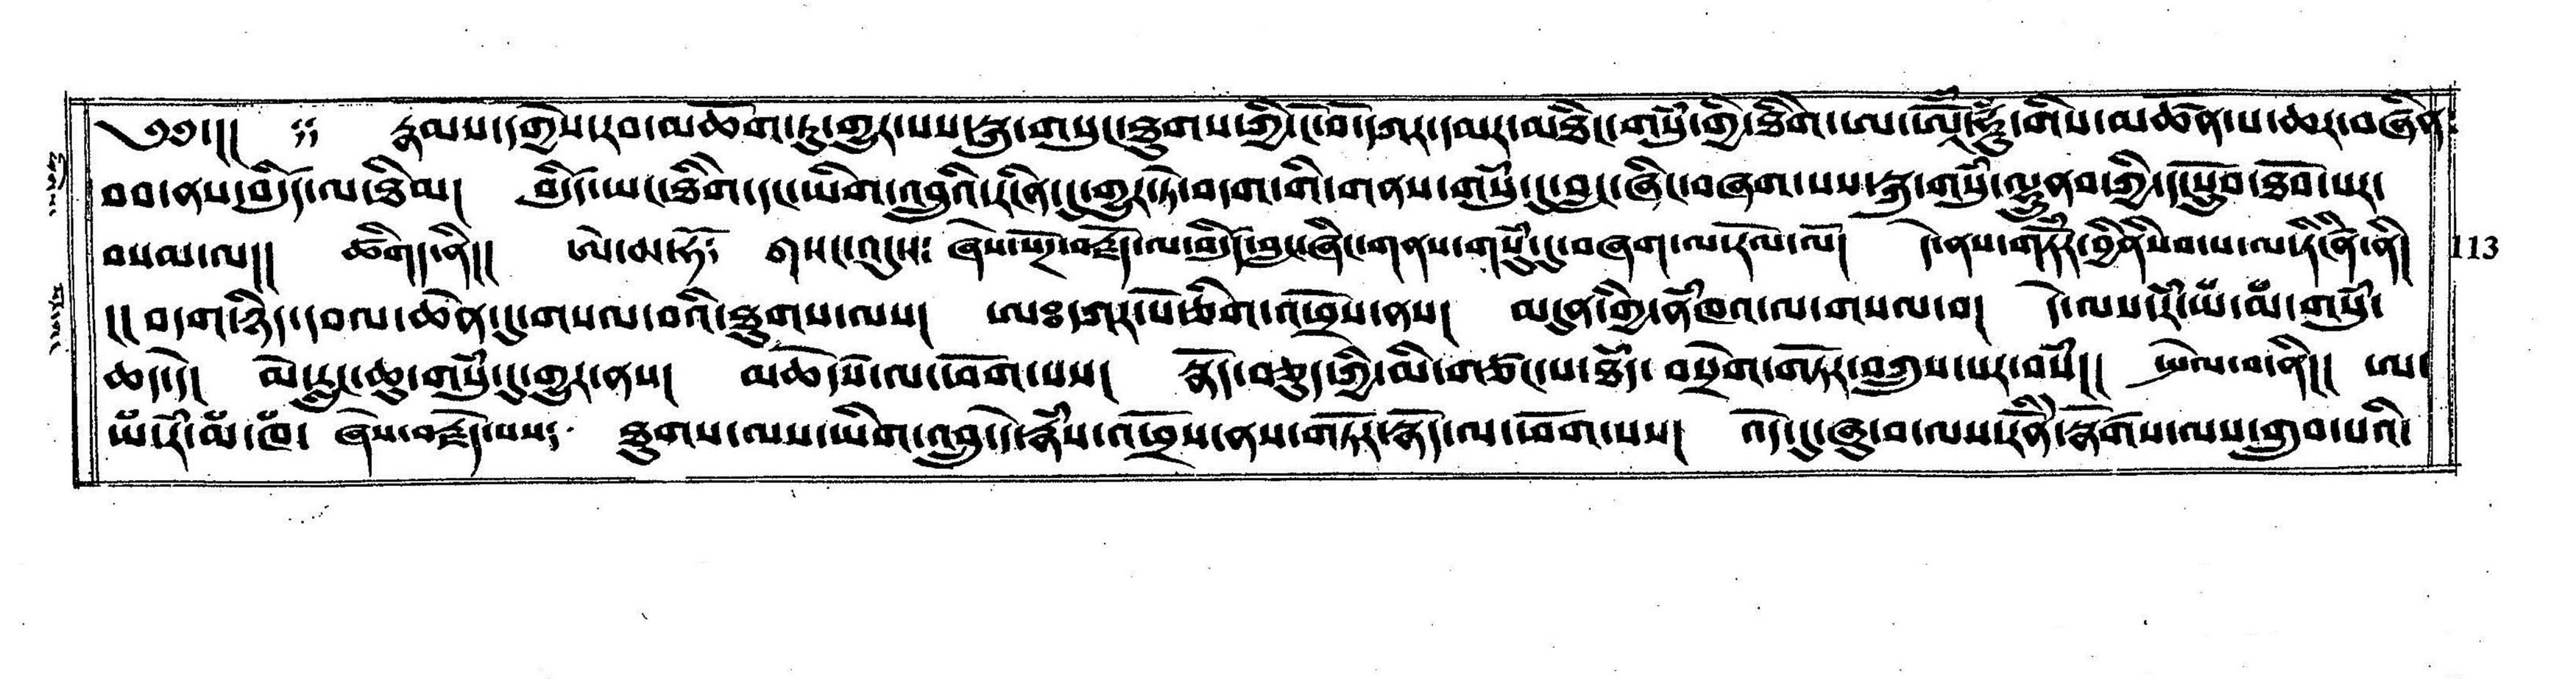རྣམས་དགྱེས་རབ་མཆོག་ཏུ་གྱུར་པས་སྐུ་གསུང་ཐུགས་ཀྱི་ངོ་བོ་དཀར་དམར་མཐིང་གསུམ་གྱི་ཐིག་ལེ་ཨ་ཨཱོཾ་ཧཱུྃ་གིས་མཚན་པ་ཆར་བཞིན་
བབས་ནས་བདུད་རྩི་ལ་ཐིམ། བདུད་རྩི་ཡང་ཐིག་ལེ་དང་ཡིག་འབྲུའི་རང་བཞིན་དུ་གྱུར་ཏེ་བདག་གི་གནས་གསུམ་དུ་བླང་ཞིང་བཞག་པས་སྐུ་གསུམ་ལྷུན་གྲུབ་ཀྱི་དངོས་གྲུབ་ཐོབ་པར་
བསམ་ལ།། ཚིག་བཤད་ནི།། ཨེ་མ་ཧོ༴ གསང་འདུས༴ ཞེས་སོགས་བརྗོད་ལ་བདུད་རྩི་བླང་ཞིང་གནས་གསུམ་དུ་བཞག་ལ་རོལ་ལོ། དེ་ནས་གཏོར་མ་བྱིན་གྱིས་བརླབས་པ་ལ་ཏིང་འཛིན་ནི། 
།།བདག་ཉིད་དབལ་ཆེན་དུ་གསལ་བའི་ཐུགས་ལས། ཨཿདཀར་པོ་ཅིག་འཕྲོས་ནས། མདུན་གྱི་ནམ་མཁའ་ལ་གསལ་བ། དེ་ལས་རཾ་ཡཾ་མཾ་གསུམ་ཆད་དེ། མེ་རླུང་ཆུ་གསུམ་
དུ་གྱུར་ནས། མཆོད་རྫས་ལ་ཕོག་པས། སྣོད་བཅུད་ཀྱི་མི་གཙང་པ་ཐམས་ཅད་བསྲེག་གཏོར་བཀྲུས་པར་བསམ།། སྤེལ་བ་ནི།། ཨ་
ཡཾ་རཾ་མཾ་ཁཾ། ཞེས་བརྗོད་པས ཐུགས་ལས་ཡིག་འབྲུ་དེ་རྣམས་འཕྲོས་ནས་གཏོར་སྣོད་ལ་ཕོག་པས། འོད་དུ་ཞུ་བ་ལས་རིན་པོ་ཆེ་སྣ་ཚོགས་ལས་གྲུབ་པའི་